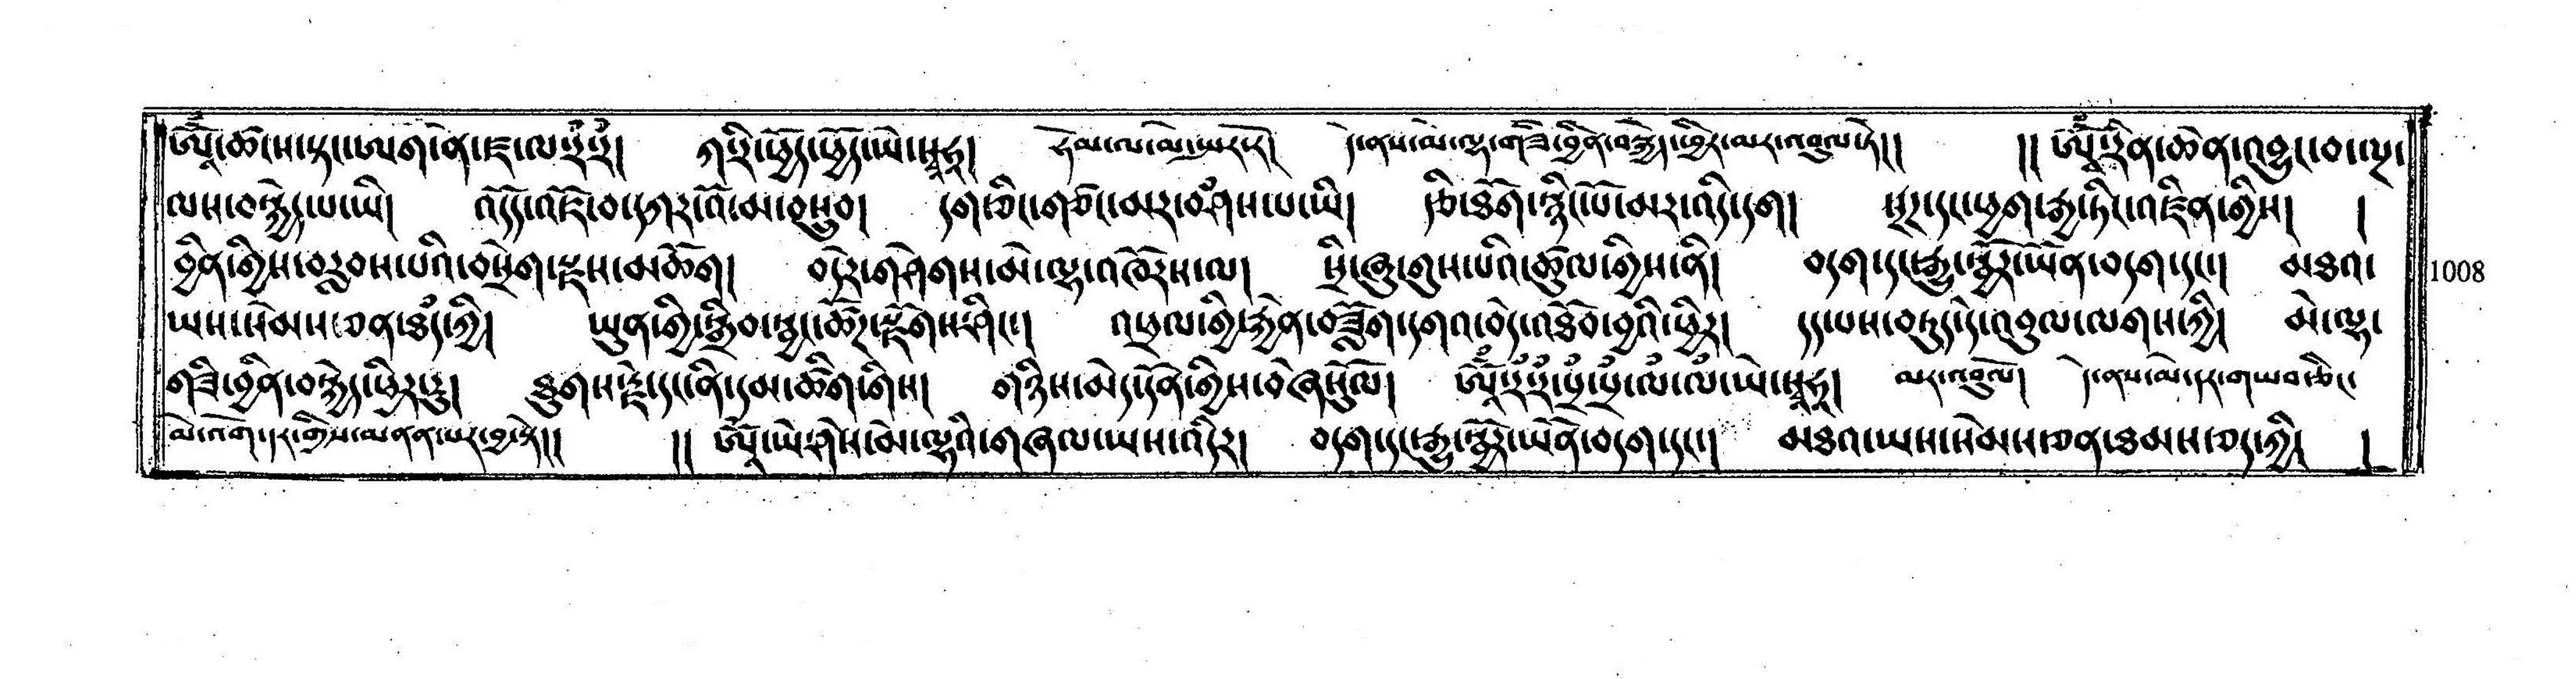ཨཱོཾ་ཚངས་སྟང་ཨག་ནེ་ཛ་ལ་རཾ་རཾ། ཀ་རི་ཕྱོད་ཕྱོད་ཡེ་སྭཱཧཱ། ཧོམ་ལ་མེ་སྤར་རོ། དེ་ནས་མེ་ལྷ་གཟི་བྱིན་བསྐྱེད་ཕྱིར་མར་འབུལ་ཏེ།། །།ཨཱོཾ་རིན་ཆེན་འབྱུང་བ་ལྔ་
ལས་བསྐྱེད་པ་ཡི། འདོད་འཇོ་བ་དཀར་འོ་མ་བསྲུབ། དག་ཅིང་གཙང་མར་བཤམས་པ་ཡི། རྩི་ཐོག་སྙིང་པོ་མར་འདི་དག སྔགས་དང་ཕྱག་རྒྱ་ཏིང་འཛིན་གྱིས། །
བྱིན་གྱིས་བརླབས་པའི་བསྲེག་རྫས་མཆོག བདེར་གཤེགས་མེ་ལྷ་འཁོར་བཅས་ལ། སྲི་ཞུ་གུས་པའི་ཚུལ་གྱིས་ནི། བདག་དང་རྒྱུ་སྦྱོར་ཡོན་བདག་དང་། མཐའ་
ཡས་སེམས་ཅན་ཐམས་ཅད་ཀྱི། ཡུན་གྱི་སྒྲིབ་སྦྱང་ཚོགས་རྫོགས་ཤིང་། འཕྲལ་གྱི་རྐྱེན་བཟློག་དགའ་བདེ་འཐོབ་བྱའི་ཕྱིར། དད་པས་བཏུད་དེ་འབུལ་ལགས་ཀྱི། མེ་ལྷ་
གཟི་བྱིན་བསྐྱེད་ཕྱིར་རུ། ཐུགས་རྗེ་དང་ནི་དམ་ཚིག་གིས། གཉིས་མེད་དོན་གྱིས་བཞེས་སུ་གསོལ། ཨཱོཾ་རཾ་རཾ་པྲཾ་པྲཾ་ལཾ་ལཾ་ཡེ་སྭཱཧཱ། མར་འབུལ་ལོ། དེ་ནས་མེ་དར་གཡབ་ཅིང་
མེ་འོག་དར་གྱིས་མནན་པར་བྱ་སྟེ།། །།ཨཱོཾ་ཡེ་ཤེས་མེ་ལྷའི་གཞལ་ཡས་འདིར། བདག་དང་རྒྱུ་སྦྱོར་ཡོན་བདག་དང་། མཐའ་ཡས་སེམས་ཅན་ཐམས་ཅད་ཀྱི། །